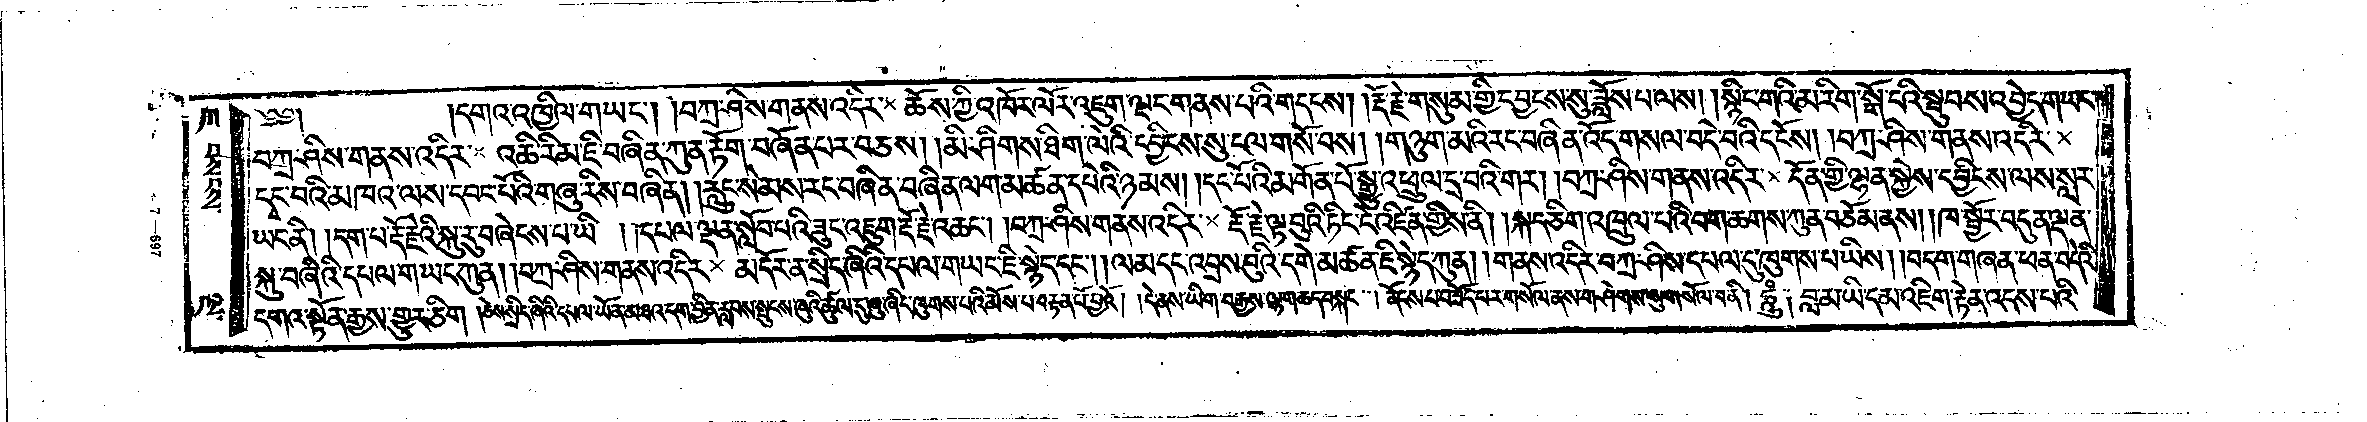༄༅། །དགའ་འཁྱིལ་གཡང་། །བཀྲ་ཤིས་གནས་འདིར་྾་ཆོས་ཀྱི་འཁོར་ལོར་འཇུག་ལྡང་གནས་པའི་གདངས། །རྡོ་རྗེ་གསུམ་གྱི་དབྱངས་སུ་ཟློས་པ་ལས། །སྙིང་གའི་མ་རིག་སྒོ་ངའི་སྦུབས་འབྱེད་གཡང་
བཀྲ་ཤིས་གནས་འདིར་྾་འཆི་རི་མ་ཇི་བཞིན་ཀུན་རྟོག་བཞོན་པར་བཅས། །མི་ཤིངས་ཐིག་ལེའི་དབྱིངས་སུན་གལ་གསོ་བས། །གཉུག་མའི་རྣག་བཞིན་འོད་གསལ་བདེ་བའི་དངོས། །བཀྲ་ཤིས་ནས་འདིར་྾་
དང་བའི་མཁའ་ལས་དབང་པོའི་གཞུ་རིས་བཞིན། །རླུང་སེམས་དང་བཞིན་བཞིན་ལག་མཚན་པའི་ཉམས། །དང་པོའི་མགོན་པོ་སྒྱུ་འཕྲུལ་དྲ་བའི་གར། །བཀྲ་ཤིས་གནས་འདིར་྾་དོན་གྱི་ལྷན་སྐྱེས་དབྱིངས་ལས་སླར་
ཡང་ནི། །དག་རྡོ་རྗེའི་དུ་རུ་བཞེངས་པ་ཡི། །དཔལ་ལྔ་སློབ་པའི་ཟུང་འཇུག་རྡོ་རྗེ་འཆང་། །བཀྲ་ཤིས་གནས་འདིར་྾་རྡོ་རྗེ་ལྟ་བུའི་ཏིང་ངེ་འཛིན་གྱིས་ནི། །སྐད་ཅིག་འཁྲུལ་པའི་བག་ཆགས་ཀུན་བཅོམ་ནས། །ཁ་སྦྱོར་བདུན་ལྡན་
སྒུ་བཞིའི་དཔལ་གཡང་ཀུན། །བཀྲ་ཤིས་གནས་འདིར་྾་མདོག་ན་སྲིད་ཞའི་དཔལ་གཡང་ཇི་སྐྱེད་དང་། །ལམ་དང་འབྲས་བུའི་དགེ་མཚན་ཇི་སྙེ་དཀུན། །གནས་འདིར་བཀར་ཤིས་དཔལ་དུ་ཁུགས་པ་ཡིས། །བདག་གཞན་ཕན་བདེའི་
དགའ་སྟོན་རྒྱས་གྱུར་ཅིག་།ཅེས་སྲིད་ཞིའི་དཔལ་ཡོན་མཐའ་དག་བྱིན་རླབས་སྦུང་ཞུ་འཚུལ་བུ་ཞུག་ཞིང་ཁུགས་པའི་མོས་པ་བརྟན་པོ་བྱའོ། །དེ་ནས་ཡིག་བརྒྱས་ལྷག་ཆད་བསྐང་། ནོར་བས་བཟོད་བར་གསོལ་ནས་གཤེགས་སུ་གསོལ་བ་ནི། ་ཧཱུཾ། །བླ་མ་ཡི་དམ་འཇིག་རྟེན་འདས་པའི་